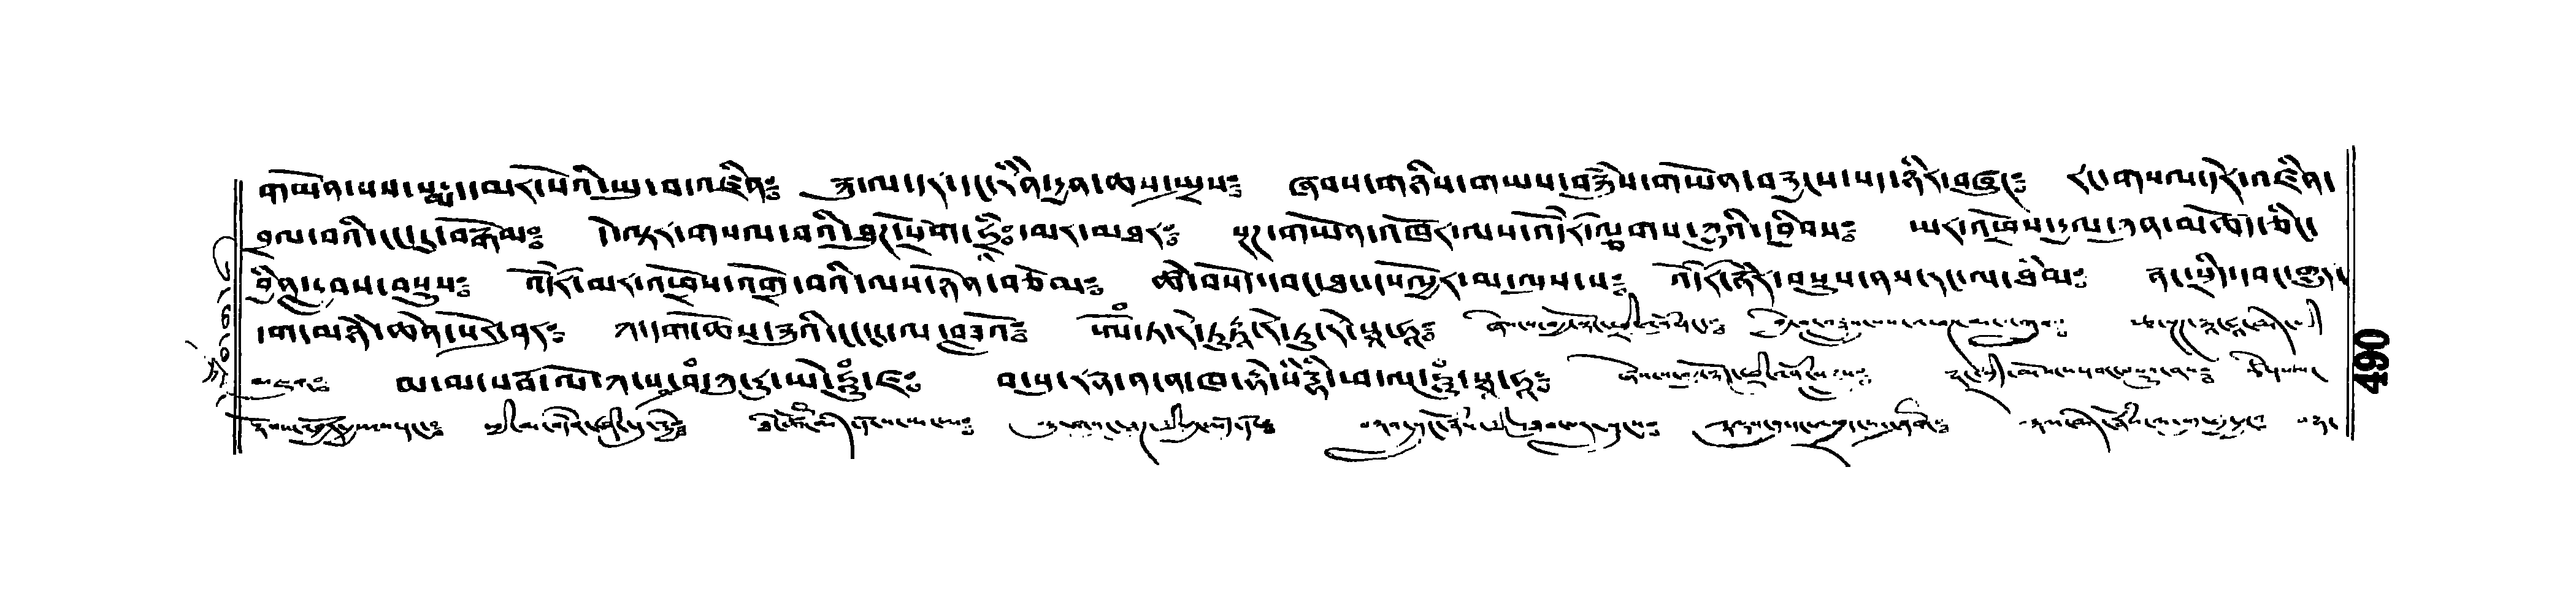གཡོན་པས་པདྨ་དམར་པོའི་ཡུ་བ་འཛིན༔ སྐུ་ལ་དར་དང་རིན་ཆེན་རྒྱན་ཆས་སྤྲས༔ ཞབས་གཉིས་གཡས་བསྐུམ་གཡོན་བརྐྱང་པད་ཉིར་བཞུགས༔ རང་གསལ་དེར་འཛིན་
བྲལ་བའི་ངང་དུ་བསྒོམ༔ དེ་ལྟར་གསལ་བའི་ཐུགས་སྲོག་ཧྲཱིཿདམར་མཐར༔ སྔགས་གཡོན་འཁོར་ལས་འོད་ཟེར་ལྕགས་ཀྱུའི་དབྱིབས༔ ཡར་འཕྲོས་རྒྱལ་ཀུན་མཆོད་ཅིང་
བྱིན་རླབས་བསྡུས༔ འོད་ཟེར་མར་འཕྲོས་འགྲོ་བའི་ལས་ཉོན་བཅོམ༔ ཚེ་བསོད་དབང་ཐང་དཔལ་འབྱོར་མ་ལུས་པ༔ འོད་ཟེར་རྣམ་པར་བསྡུས་ནས་རང་ལ་ཐིམ༔ སྣང་སྲིད་དབང་གྱུར་
དག་མཉམ་ཆེན་པོར་ཤར༔ ཀ་དག་ཆོས་སྐུའི་ངང་དུ་ལ་བཟླའོ༔ ཨོཾ་ཏ་རེ་ཏུཏྟཱ་ཏེ་ཏུ་རེ་སྭཱ་ཧཱཿ ཞེས་པ་བརྒྱ་སྟོང་ཁྲི་འབུམ་དང༔ བྱེ་བ་བཟླས་པས་འཕགས་མ་འགྲུབ༔ རྩ་སྔགས་སྭཱ་ཧཱ་མེད་པའི་
མཇུག༔ མ་མ་སརྦ་ལོ་ཀ་པཱ་ཤཾ་ཀུ་རུ་ཡེ་ཧྃའུ་ཛཿབ་སུ་རཏྣ་ན་ན་ཁ་དྷེ་སིདྡྷི་ཕ་ལ་ཧྃའུ་སྭཱ་ཧཱ༔ ཞེས་པ་བརྒྱ་སྟོང་ཁྲི་འབུམ་བཟླས༔ སྣང་སྲིད་མོས་པ་དབང་བསྡུས་ནས༔ ཚེ་དཔལ་
སྟོབས་འབྱོར་རྒྱས་པ་དང༔ ཕྱི་མ་བདེ་ཆེན་ཞིང་དུ་སྐྱེ༔ ཐེ་ཚོམ་མེད་དོ་ས་མ་ཡ༔ སྐུ་གསུང་ཐུགས་ཀྱི་རྒྱ་ཡོད་དོ༔ བཀའ་སྲུང་རྣམས་ཀྱིས་ཐུབ་པར་སྲུངས༔ སྐལ་ལྡན་བུ་དང་འཕྲད་པར་ཤོག༔ སྐལ་མེད་རྣམས་མ་གུ་ཧྱ་རྒྱ༔ བརྡ་